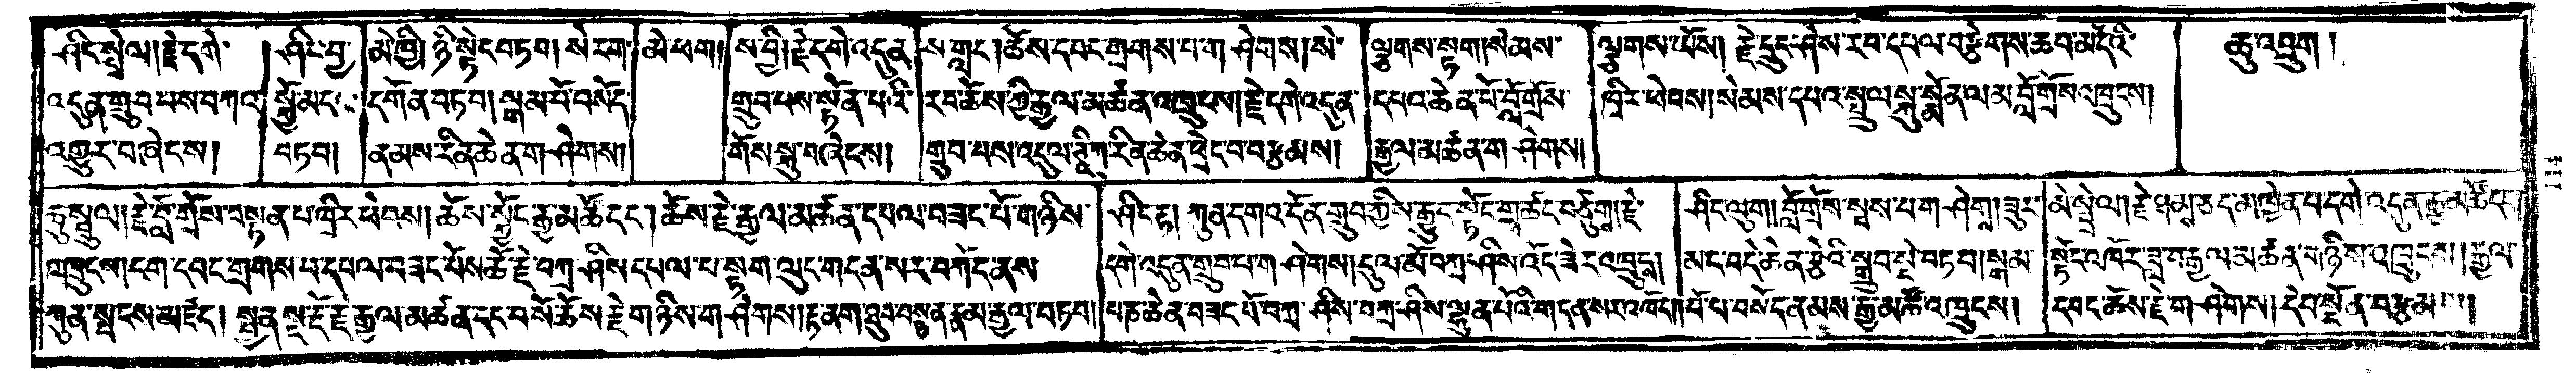ཤིང་སྤྲེལ། རྗེ་དགེ །ཤིང་བྱ་མེ་ཁྱི། ཉི་སྟེང་བཏབ། སེར་ག་མེ་ཕག །ས་བྱི། རྗེ་དགེ་འདུན་ས་གླང་། ཆོས་དབང་གྲགས་པ་གཤེགས། སེ་ལྕགས་སྟག། སེམས་ལྕགས་ཡོས། རྗེ་དྲུང་ཤེས་རབ་དཔལ་བརྩེགས་ཆབ་མདོའི་ཆུ་འབྲུག།
འདུན་གྲུབ་བས་བཀའ་སྐྱོ་མངལ་དགོན་བཏབ། སྒམ་པོ་བསོད་གྲུབ་པས་སྟོན་པའི་རབ་ཆོས་ཀྱི་རྒྱལ་མཚན་འཁྲུངས། རྗེ་དགེ་འདུན་དཔའ་ཆེན་པོ་བློ་གྲོས་ཁྲིར་ཕེབས། སེམས་དཔའ་སྤྲུལ་སྐུ་སྨོན་ལམ་བློ་གྲོས་འཁྲུངས།
འགྱུར་བཞེངས། བཏབ། ནམས་རིན་ཆེན་གཤེགས། གོས་སྐུ་བཞེངས། གྲུབ་པས་འདུལ་ཊཱི་ཀ་རིན་ཆེན་ཕྲེང་བ་བརྩམས། རྒྱལ་མཚན་གཤེགས།
ཆུ་སྦྲུལ། རྗེ་བློ་གྲོས་བསྟན་པ་ཁྲིར་ཕེབས། ཆོས་སྐྱོང་རྒྱ་མཚོ་དང་། ཆོས་རྗེ་རྒྱལ་མཚན་དཔལ་བཟང་པོ་གཉིས་ཤིང་རྟ། ཀུན་དགའ་དོན་གྲུབ་ཀྱིས་རྒྱུད་སྟོང་གྲྭ་ཚང་བཙུགས། རྗེ་ཤིང་ལུག། བློ་གྲོས་སྤས་པ་གཤེགས། ཟུར་མེ་སྤྲེལ། རྗེ་ཐམས་ཅད་མཁྱེན་པ་དགེ་འདུན་རྒྱ་མཚོ་ངས?
འཁྲུངས། ངག་དབང་གྲགས་པ་དཔལ་བཟང་པོས་ཆོས་རྗེ་བཀྲ་ཤིས་དཔལ་པ་སྟག་ལུང་གདན་སར་བཀོད་ནས། དགེ་འདུན་གྲུབ་པ་གཤེགས། དུལ་མོ་བཀྲ་ཤིས་འོད་ཟེར་འཁྲུངས། མང་བདེ་ཆེན་རྩེའི་སྒྲུབ་སྔེ་བཏབ། སྒམ་སྟོང་འཁོར་ཟླ་བརྒྱལ་མཚན་གཉིས་འཁྲུངས། རྒྱལ་
ཀུན་སྤངས་མཛད། སྦྱན་སྔ་རྡོ་རྗེ་རྒྱལ་མཚན་དང་བསོ་ཆོས་རྗེ་གཉིས་གཤེགས། རྟ་ནག་ཐུབ་བསྟན་རྣམ་རྒྱལ་བཏབ། པཎ་ཆེན་བཟང་པོ་བཀྲ་ཤིས་ལྷུན་པོའི་གདན་སར་འཁོད། པོ་པ་བསོད་ནམས་རྒྱ་མཚོ་འཁྲུངས། དབང་ཆོས་རྗེ་གཤེགས་དེབ་སྔོན་བརྩམས།